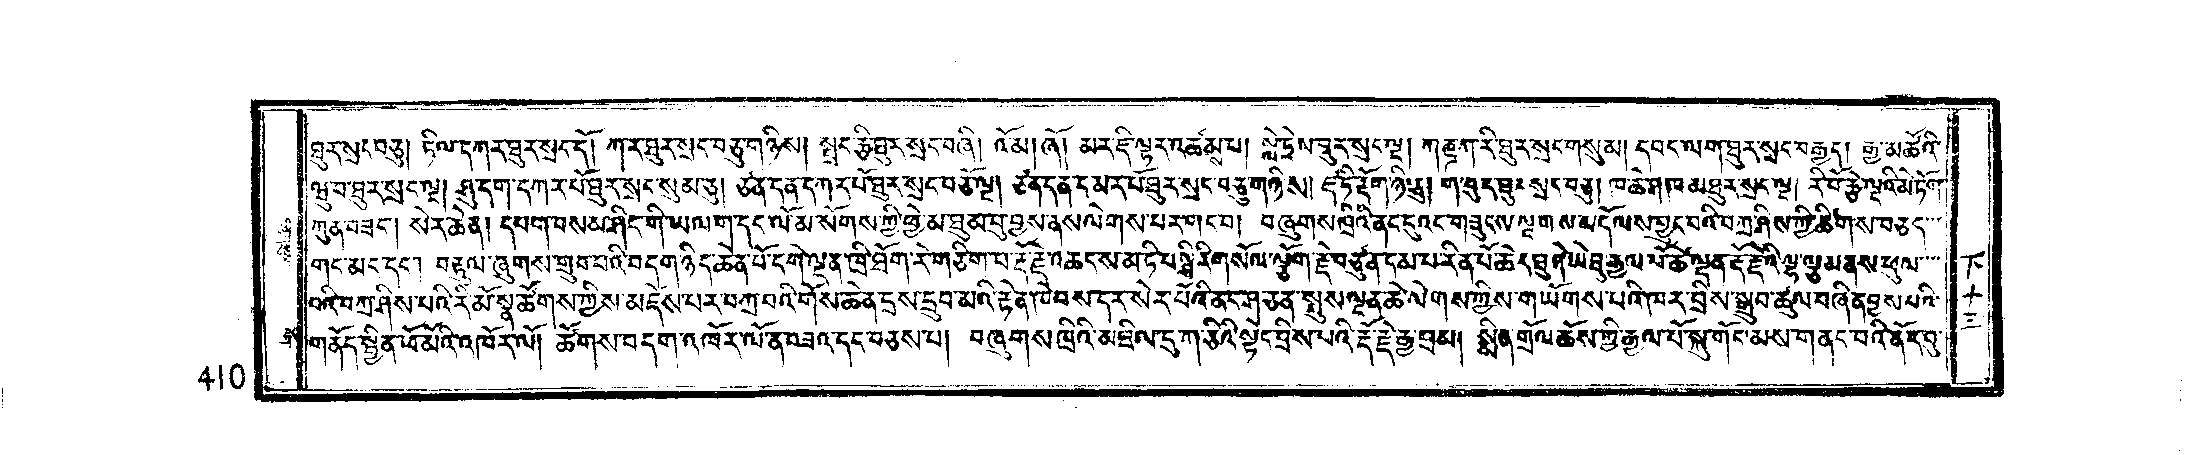ཐུར་སྲང་བཅུ། ཏིལ་དཀར་ཐུར་སྲང་དོ། ཀ་ར་ཐུར་སྲང་བཅུ་གཉིས། སྤྲང་རྩི་ཐུར་སྲང་བཞི། འོ་མ། ཞོ། མར་ཇི་ལྟར་འཚམས་པ། སླེ་ཏྲེལ་བྲུར་སྲང་ལྔ། ཀཎྜ་ཀ་རི་ཐུར་སྲང་གསུམ། དབང་ལག་ཐུར་སྲང་བརྒྱད། རྒྱ་མཚོའི་
ཝུ་བ་ཐུར་སྲང་ལྔ། ཤུ་དག་དཀར་པོ་ཐུར་སྲང་སུམ་ཅུ། ཙན་དན་དཀར་པོ་ཐུར་སྲང་བཅོ་ལྔ། ཙན་དན་དམར་པོ་ཐུར་སྲང་བཅུ་གཉིས། ཛ་ཏི་རྡོག་ཉི་ཅུ། ག་བུར་ཐུར་སྲང་བཅུ། ཁ་ཆེ་ཤ་ཁ་མཐུར་སྲང་ལྔ། རི་བོ་རྩེ་ལྔའི་མེ་ཏོག་
ཀུན་བཟང་། སེར་ཆེན། དཔག་བསམ་ཤིང་གི་ཡལ་ག་དང་ལོ་མ་སོགས་ཀྱི་ཕྱེ་མ་ཐུམ་བུ་བྱས་ནས་ལེགས་པར་གང་བ། བཞུགས་ཁྲིའི་ནང་དུའང་གཟུངས་སྔགས་མདོ་ལས་བྱུང་བའི་བཀྲ་ཤིས་ཀྱི་ཚིགས་བཅད་
གང་མང་དང་། བརྟུལ་ཞུགས་གྲུབ་པའི་བདག་ཉིད་ཆེན་པོ་དགེ་ལྡན་ཁྲི་ཐོག་རེ་གཅིག་པ་རྡོ་རྗེ་འཆང་ས་མ་ཏི་པསྠི་རིག་གསོལ་ལྕོག་རྗེ་བཙུན་དམ་པ་རིན་པོ་ཆེར་ཐུ་ཤེ་ཡེ་ཐུ་རྒྱལ་པོ་ཚེ་ལྡན་རྡོ་རྗེའི་ལྷ་ལྕམ་ནས་ཕུལ་
བའི་བཀྲ་ཤིས་པའི་རི་མོ་སྣ་ཚོགས་ཀྱིས་མཛེས་པར་བཀྲ་བའི་གོས་ཆེན་དྲས་དྲུབ་མའི་རྟེན་ཁེབས་དར་སེར་པོའི་ནང་ཤ་ཅན་སྤུས་ལྡན་ཆེ་ལེགས་ཀྱིས་གཡོགས་པའི་ཁར་བྲིས་སྒྲུབ་ཚུལ་བཞིན་བྱས་པའི་
གནོད་སྦྱིན་ཕོ་མོའི་འཁོར་ལོ། ཚོགས་བདག་འཁོར་ལོ་ན་བཟའ་དང་བཅས་པ། བཞུགས་ཁྲིའི་མཐིལ་དུ་ཀ་ཅིའི་སྟེང་བྲིས་པའི་རྡོ་རྗེ་རྒྱ་བྲམ། སྨིན་གྲོལ་ཆོས་ཀྱི་རྒྱལ་པོ་སྐུ་གོང་མས་གནང་བའི་ནོར་བ་